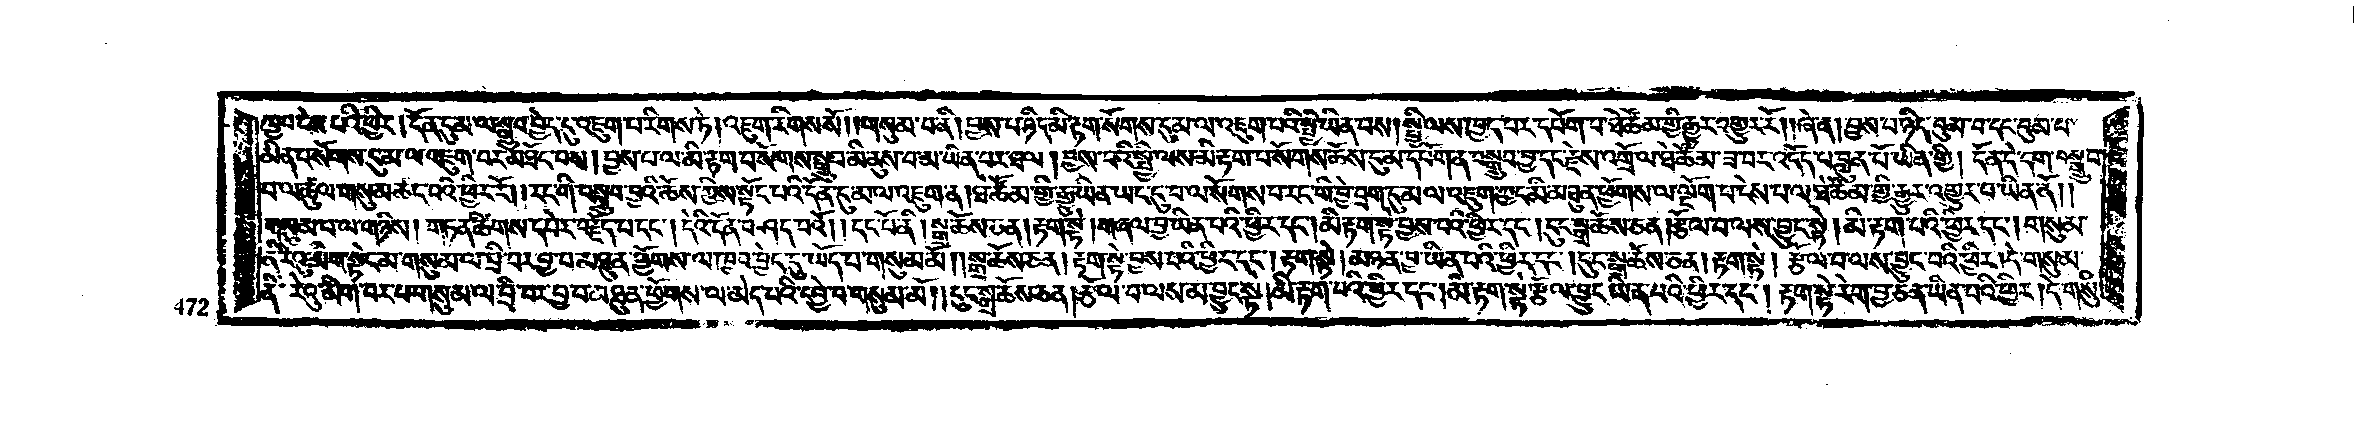ཁྱབ་ངེས་པའི་ཕྱིར། དོན་དུ་མ་ལ་སྒྲུབ་བྱེད་དུ་འཇུག་པ་རིགས་ཏེ། འཇུག་རིགས་སོ། །གསུམ་པ་ནི། བྱས་པ་ཉིད་མི་རྟག་སོགས་དུ་མ་ལ་འཇུག་པའི་སྤྱི་ཡིན་པས། སྤྱི་ལས་ཁྱད་པར་དབོག་པ་ཐེ་ཚོམ་གྱི་རྒྱུར་འགྱུར་རོ། །བྱས་པ་ཉིད་བུམ་པ་དང་བུམ་པ་
མིན་པ་སོགས་དུ་མ་ལ་འཇུག་པར་མཐོང་བས། བྱས་པ་ལ་མི་རྟག་པ་སོགས་སྒྲུབ་མི་ནུས་པ་མ་ཡིན་པར་ཐལ། བྱས་པའི་སྤྱི་ལས་མི་རྟག་པ་སོགས་ཆོས་དུ་མ་དཔོག་ན་བསྒྲུབ་བྱེད་དང་རྗེས་འགྲོ་ལ་ཐེ་ཚོམ་ཟ་བར་འདོད་པ་བླུན་པོ་ཡིན་གྱི། དོན་དེ་དག་བསྒྲུབ་
པ་ལ་ཚུལ་གསུམ་ཚང་བའི་ཕྱིར་རོ། །རང་གི་བསྒྲུབ་བྱའི་ཆོས་ཀྱིས་སྟོང་པའི་དོན་དུ་མ་ལ་འཇུག་ན། ཐེ་ཚོམ་གྱི་རྒྱུ་ཡིན་ཡང་དུ་བ་ལ་སོགས་པ་དང་གི་བྱེ་བྲག་ཏུ་མ་ལ་འཇུག་ཀྱང་མི་མཐུན་ཕྱོགས་ལ་ལྡོག་པ་ངེས་པ་ལ་ཐེ་ཚོམ་གྱི་རྒྱུར་འགྱུར་བ་ཡིན་ནོ། །
གསུམ་པ་ལ་གཉིས། དྲན་ཚིགས་དཔེར་བརྗོད་པ་དང་། དེའི་དོན་བཤད་པའོ། །དང་པོ་ནི། སྒྲ་ཆོས་ཅན། རྟག་སྟེ། གཞལ་བྱ་ཡིན་པའི་ཕྱིར་དང་། མི་རྟག་སྟེ་བྱས་པའི་ཕྱིར་དང་། དུང་སྒྲ་ཆོས་ཅན། རྩོལ་བ་ལས་བྱུང་སྟེ། མི་རྟག་པའི་ཕྱིར་དང་། གསུམ་
ནི་རེའུ་མིག་སྟེང་མ་གསུམ་ལ་བྲི་བར་བྱ་བ་མཐུན་ཕྱོགས་ལ་ཁྱབ་བྱེད་དུ་ཡོད་པ་གསུམ་མོ། །སྒྲ་ཆོས་ཅན། རྟག་སྟེ་བྱས་པའི་ཕྱིར་དང་། རྟག་སྟེ། མཉན་བྱ་ཡིན་པའི་ཕྱིར་དང་། དུང་སྒྲ་ཆོས་ཅན། རྟག་སྟེ། རྩོལ་བ་ལས་བྱུང་བའི་ཕྱིར། དེ་གསུམ་
ནི་རེའུ་མིག་བར་པ་གསུམ་ལ་བྲི་བར་བྱ་བ་མཐུན་ཕྱོགས་ལ་མེད་པའི་དབྱེ་བ་གསུམ་མོ། །དུང་སྒྲ་ཆོས་ཅན། རྩོལ་བ་ལས་མ་བྱུང་སྟེ། མི་རྟག་པའི་ཕྱིར་དང་། མི་རྟག་སྟེ་རྩོལ་བྱུང་ཡིན་པའི་ཕྱིར་དང་། རྟག་སྟེ་རེག་བྱ་ཅན་ཡིན་པའི་ཕྱིར། དེ་གསུམ་